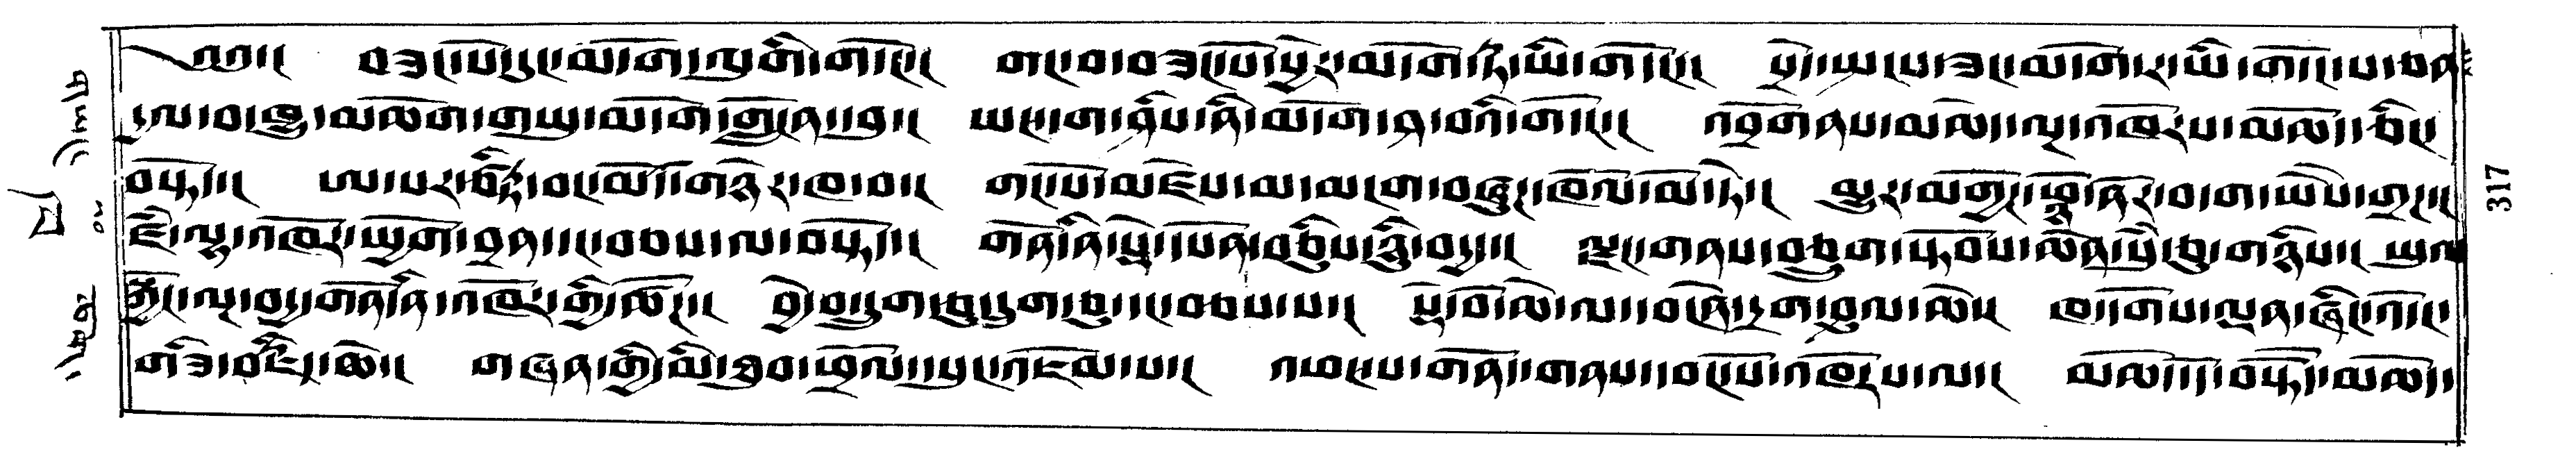བཟང་པོ་དུང་མདོག་ལུག་གི་གདོང་། །གང་བ་བཟང་པོ་གསེར་མདོག་རྟ་ཡི་གདོང་། །སྲེད་སྤངས་ཟངས་མདོག་ར་ཡི་གདོང་པ་ཅན། །
རྒྱལ་བ་ཁྱུ་མཆོག་གཡུ་མདོག་གླང་ཆེན་དབུ། །ཡང་དག་ཤེས་ནི་མདོག་བཟང་ཤ་བའི་གདོང་། །འབྲོག་ནས་མཆེད་ལྔ་འཁོར་བཅས་མཆོད་ཅིང་
བསྟོད། །ཨ་པར་ཛི་ཏ་བང་མཛོད་གཉེར་ཁ་བ། །གང་པོ་མཛེས་མ་མངག་བཞུགས་ཁོལ་མོ་ཏེ། །མྱུར་མགྱོགས་ཕོ་ཉ་ནོར་བདག་ཡེ་ཤེས་གྲགས། །
ཛམ་ལ་འཁོར་གཡོག་བྲན་དང་བཅས་ལ་བསྟོད། །གནོད་སྦྱིན་སྡེ་དཔོན་བཅུ་ཉིས་ཉི་ཤུ་བརྒྱད། །ལྗོངས་གནས་བཅུ་དྲུག་སྟོབས་ཆེན་སུམ་ཅུ་གཉིས། །ཡུལ་
སྐྱོང་ལྔ་བརྒྱ་གནོད་སྦྱིན་འཁོར་གྱི་ཚོགས། །བྱེ་བ་དྲུག་ཅུ་དྲུག་ཅུ་དང་བཅས་པ། །སྡེ་བོ་ཆེ་ལ་དབང་ཆེན་དྲག་ཤུལ་ཆེ། ཁ་དོག་ལྡན་ཞིང་འོད་དང་
གཟི་བརྗིད་ཆེ། །གཞན་གྱི་མི་ཐུབ་ཕ་རོལ་དཔུང་འཇོམས་པ། །འཕགས་པ་གནོད་གནས་དབང་པོ་འཁོར་བཅས་ལ། །མཆོད་དོ་བསྟོད་དོ་མཆོད་